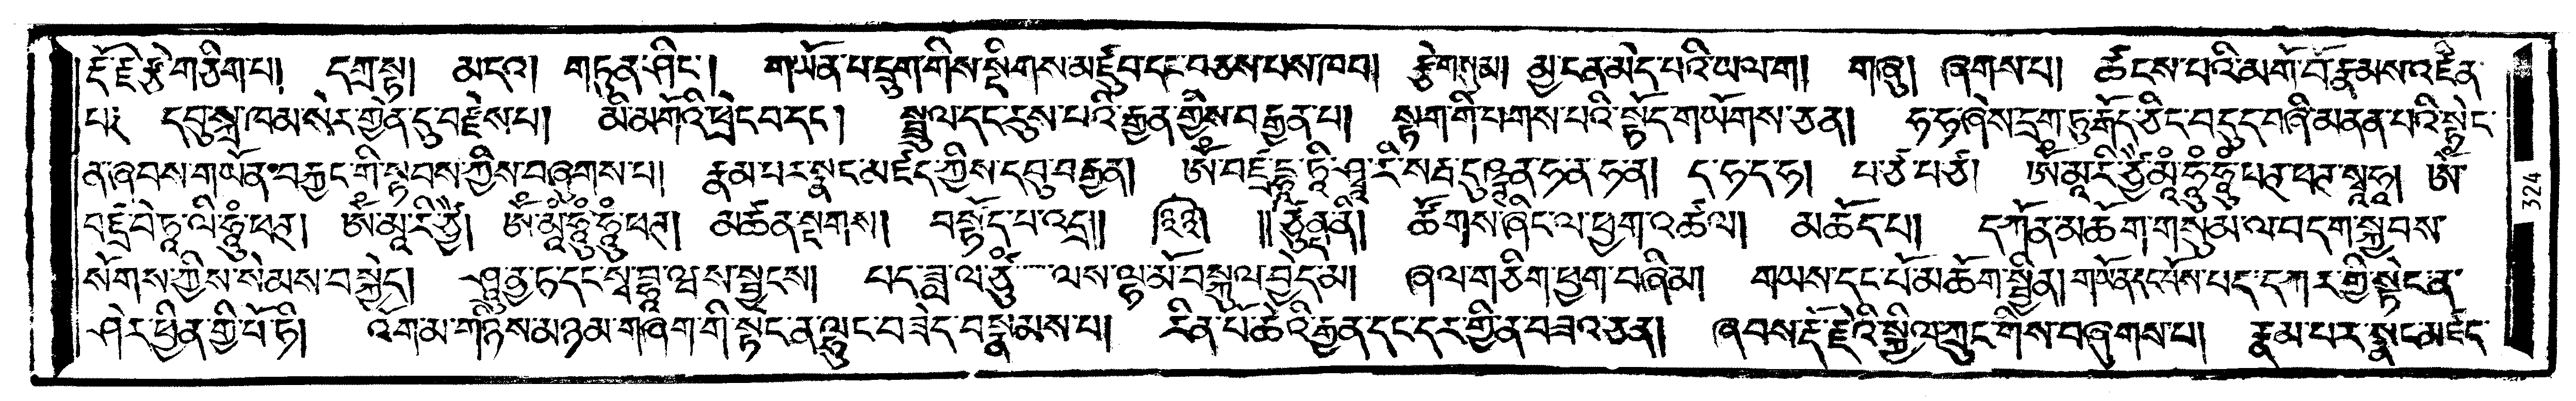རྡོ་རྗེ་རྩེ་གཅིག་པ། དགྲ་སྟ། མདའ། གཏུན་ཤིང་། གཡོན་པ་དྲུག་གིས་སྡིགས་མཛུབ་དང་བཅས་པས་ཁབ། རྩེ་གསུམ། མྱ་ངན་མེད་པའི་ཡལ་ག། གཞུ། ཞགས་པ། ཚངས་པའི་མགོ་བོ་རྣམས་འཛིན་
པ༑ དབུ་སྐྲ་ཁམ་སེར་གྱེན་དུ་བརྫེས་པ། མི་མགོའི་ཕྲེང་བ་དང་། སྦྲུལ་དང་རུས་པའི་རྒྱན་གྱིས་བརྒྱན་པ། སྟག་གི་པགས་པའི་སྟོད་གཡོགས་ཅན། ཧ་ཧ་ཞེས་དྲག་ཏུ་རྒོད་ཅིང་བདུད་བཞི་མནན་པའི་སྟེང་
ན་ཞབས་གཡོན་བརྐྱང་གི་སྟབས་ཀྱིས་བཞུགས་པ། རྣམ་པར་སྣང་མཛད་ཀྱིས་དབུ་བརྒྱན། ཨོཾ་བཛྲ་དྷཱ་ཏཱི་ཤྭཱ་རི་སརྦ་དུཥྚན་ཧ་ན་ཧ་ན། ད་ཧ་ད་ཧ། པ་ཙ་པ་ཙ། ཨོཾ་མཱ་རི་ཙྱཻ་མཱཾ་ཧཱུཾ་ཧཱུཾ་ཕཊ་ཕཊ་སྭཱཧཱ། ཨོཾ་
བཛྲ་བེ་ཏཱ་ལི་ཧཱུཾ་ཕཊ། ཨོཾ་མཱ་རི་ཙྱཻ། ཨོཾ་མཱཾ་ཧཱུཾ་ཧཱུཾ་ཕཊ། མཚན་སྔགས། བསྟོད་པ་འདྲ།། ༣༣?་།།ཙུནྡ་ནི། ཚོགས་ཞིང་ལ་ཕྱག་འཚལ། མཆོད་པ། དཀོན་མཆོག་གསུམ་ལ་བདག་སྐྱབས་
སོགས་ཀྱིས་སེམས་བསྐྱེད། ཤཱུ་ནྱ་ཏ་དང་སྭ་བྷཱ་ཝས་སྦྱངས། པད་ཟླ་ལ་ཙུཾ་ལས་ལྷ་མོ་བསྐུལ་བྱེད་མ། ཞལ་གཅིག་ཕྱག་བཞི་མ། གཡས་དང་པོ་མཆོག་སྦྱིན། གཡོན་དང་པོས་པད་དཀར་གྱི་སྟེང་ན་
ཤེར་ཕྱིན་གྱི་པོ་ཏི། འོག་མ་གཉིས་མཉམ་གཞག་གི་སྟེང་ན་ལྷུང་བཟེད་བསྣམས་པ། རིན་པོ་ཆེའི་རྒྱན་དང་དར་གྱི་ན་བཟའ་ཅན། ཞབས་རྡོ་རྗེའི་སྐྱིལ་ཀྲུང་གིས་བཞུགས་པ། རྣམ་པར་སྣང་མཛད་